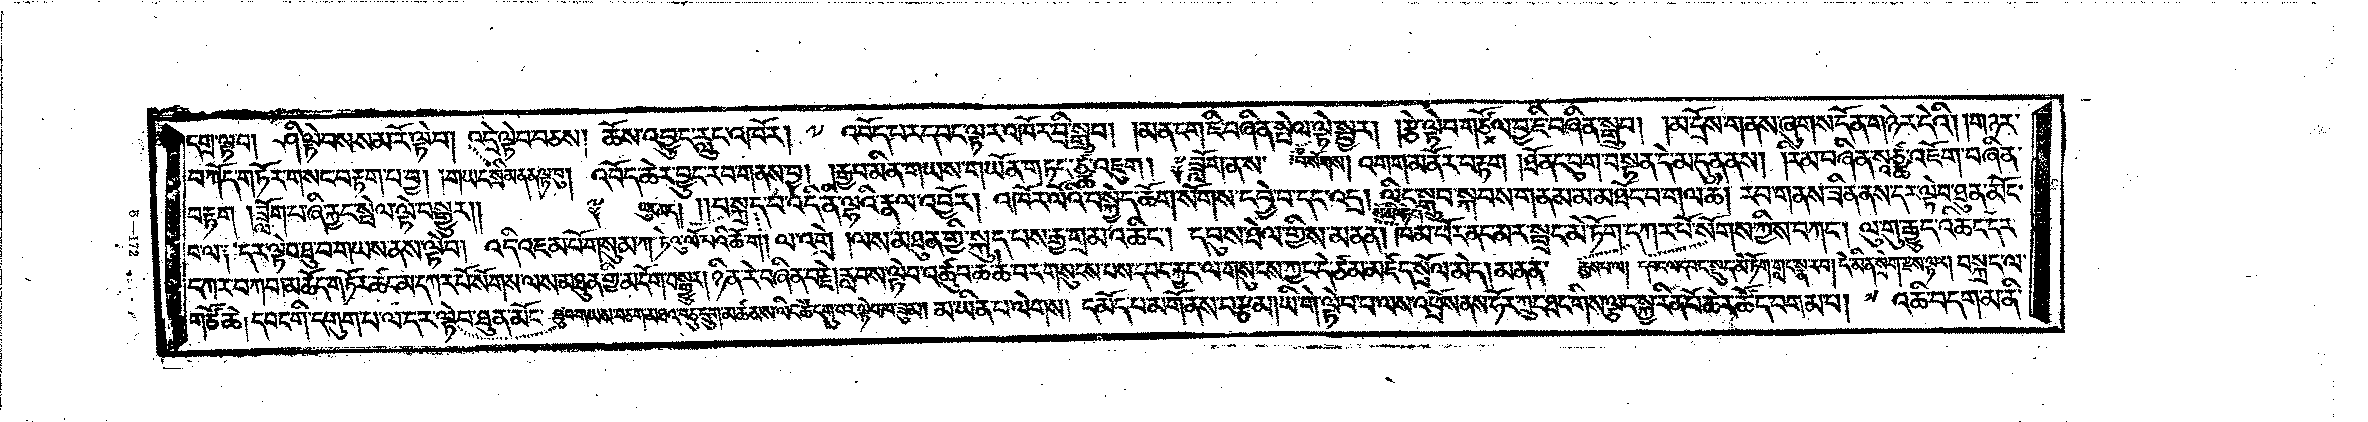དགྲ་ལྟ་བ། ཤི་ལྟེབས་སམ་རོ་ལྟེ་བ། ༑གཡང་སྲི་མནན་ལྟ་བུ།  འདྲེ་ལྟེབ་བཅས། ཆོས་འབྱུང་རླུང་འཁོར། ༧་འབོད་པར་དབང་ལྟར་འཁོར་བྲི་སྒྲུབ། །མན་ངག་ཇི་བཞིན་སྤེལ་ལྟེ་སྦྱར། །རྩེ་ལྟེབ་གཙོལ྾་བྱ་ཇི་བཞིན་སྒྲུབ། །མ་དྲོས་གནས་ཞུགས་དོན་གཉེར་དེའི། །གཉར་
བཀོད་གཏོར་གསང་བརྟག་པ་བྱ། འབོད་ཆེར་བྱུང་བ་གནས་བྱ། །རྒྱབ་མིན་གཡས་གཡོན་གཏང་ཙྪ་འཇུག། ༈ ཟློག་ན་ས་བཾ?་སོགས།  འགག་མནོར་བརྟག །ཐོ་ནང་བུག་བསྟན་དེ་མདུན་ནས། །རིམ་བཞིན་སཱཙྪ་འཇོག་བཞིན་
བརྟག །ཟློག་པ་ཞི་རྐྱང་སྦེལ་ལྟེ་བསྒྱུར།། ༈ ལུང?་མེད།  །།བསྐྲད་འདི་འཇམ་པོ་གསུམ་ཀ་ཏེའུ་ལོ་པའི་ཆོ་ག།  པ་འདི་ནི་ལྷའི་རྣལ་འབྱོར། འཁོར་ལོའི་བསྐྱེད་ཆོག་སོགས་དབྱེ་བ་དང་འདྲ། ལིང་སྒྲུབ་སྐབས་གནམ་མ་མཐོང་བ་གལ་ཆེ། རབ་གནས་ཟིན་ནས་དར་ལྟེབ་ཐུན་མོང་
བ་ལ༑ དར་ལྟེ་བ་ཐུབ་གཡས་ནས་ལྟེབ། །ལས་མཐུན་གྱི་སྐུད་པས་རྒྱ་གྲམ་འཆིང་། དབུས་ཐེལ་གྱིས་མནན། ཁམ་ཕོར་ནང་མར་སྦྲང་མེ་ཏོག་རྒྱས་པ་ལ།  དཀར་པོ་དབའ་ལ་དབང་སྡུད་མེ་ཏོག་གླང་སྣ་རབ།  སོགས་ཀྱིས་བཀང་། ལུ་གུ་རྒྱུད་འཆིང་དོར་
དཀར་བཀབ་མཆོད་གཏོར་ཚང་མ་དཀར་པོ་སོགས་ལས་མཐུན་གྱི་མདོག་བསྒྱུར། ཉིན་རེ་བཞིན་བརྗེ། རླབས་ལྟེབ་འཚུབ་ཆ་ཆེ་བར་གསུངས་པས་དབང་རྐྱང་ལ་གསུངས་ཀྱང་དེ་ཙམ་མཛད་སྲོལ་མེད། མནན་དེ་མིན་སྲེག་རྫས་ལྟར།  བསྐྲང་ལ་
གཙོ་ཆེ། དབང་གི་དགུག་པ་ལ་དར་ལྟེབ་ཐུབ་གཡས་བཅག་མཐའ་བཅུ་དྲུག་མཚམས་ལིང་ཚེ་དགུ་བར་ལྟེབ་ཁ་ཟུམ།  ཐུན་མོང་མ་ཡིན་པ་ལེགས། དམོད་པ་མགོ་ནས་བརྩམ། ཡི་གེ་ལྟེབ་པ་ལས་འཕྲོས་ནས་ཧོར་ཀྲུང་ཐང་གིས་ལྕང་སྐྱ་རིན་པོ་ཆེར་ཚོད་བགམ་པ། ༧་འཆི་བདག་མ་ནི་